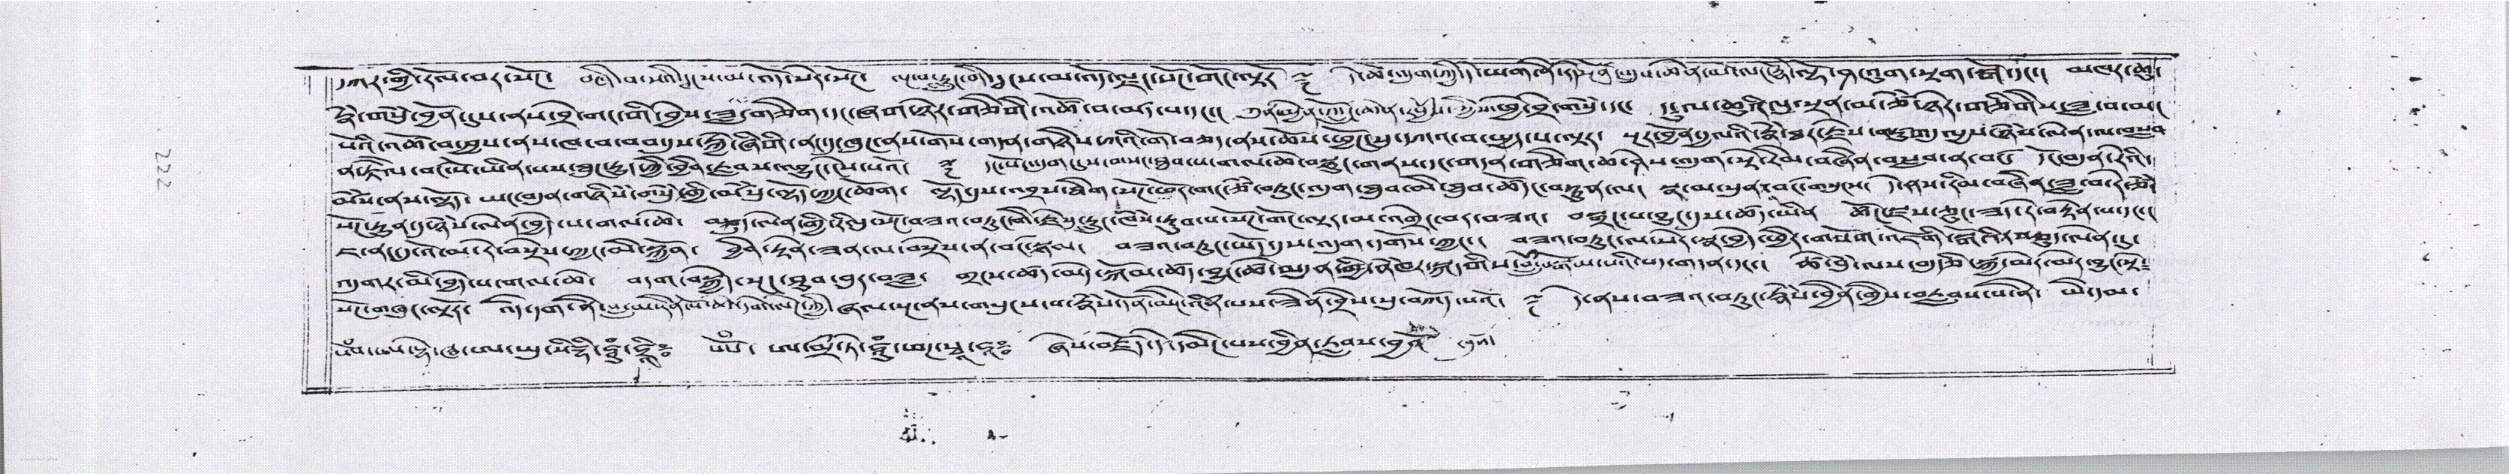དཀར་གྱི་རོལ་བར་སོགས། བཞི་པ་སའི་དྭངས་མ་འོད་སེར་སོགས། ལྔ་པ་རླུང་གི་དྭངས་མ་འོད་ལྗང་སོགས་གོང་ལྟ་རོ། ༑ དེ་ཚེ་ལུག་གི་དེ་ཡག་གཞི་དེ་སྔོན་གྲུབ་ཆེན་མོ་ལང་རྣམ་ལྷོ་ཤ་འུག་སྟག་སྒོ་དང། མཁར་ཆུ་
རྣམ་གསུམ་བྱོན་དུས་ནས་བྲེ་གང་གི་བྱེས་ཟླ་གཅིག་དང་ཞག་ཉེར་གཅིག་གི་འཚོ་བ་མཛད་པ་དང། ཀུན་མཁྱེན་ཀློང་ཆེན་རབ་འབྱམས་ཀྱིས་ཕྲེ་བྲེ་གསུམ་དང། དངུལ་ཆུའི་ལུས་སྲན་མ་ཙམ་ཉེར་གཅིག་གིས་ཟླ་བ་མང་
པོའི་འཚོ་བ་བྱས་ནས་ཁ་བ་བབ་དུས་སྐྱེ་ཞིག་གི་ནང་དུ་ཁུང་ནས་གོས་གདན་གཉིས་ཀའི་གོ་བཅད་ནས་ཆོས་ཕྱོགས་སུ་དཀའ་བ་སྤྱད་པ་ལྟར། སྔར་བྱོན་རྒྱལ་བའི་རྣམ་ཐར་རྗེས་མཇུག་གདུལ་བྱས་ཉམས་ལེན་ལ་བསླབ་
ན་རྟེན་འབྲེལ་བཟང་པོ་ཡིན་པས་ཐུགས་རྒྱུད་ཀྱི་བྱིན་རླབས་འབྱུང་ངེས་པའོ། ༑ དང་པོ་འདུག་དུས་གསང་ཐབ་པ་གལ་ཆེ་བསྙུང་གནས་དང་གདན་གཅིག་ཆ་ཤེས་འདུག་སྟེ་རིམ་བཞིན་བསླབ་ན་བཟང། དང་པོ་བདུན་རེའི་
མཚམས་ནས་ལྷོད། ཡང་བདུན་བཞི་སམ་གསུམ་གྱི་མཚམས་སུ་ལྷོད་ཀྱང་ཆོག ལྷོད་དུས་འབྲས་ཐིག་སོགས་ཕྱོགས་གང་ཙམ་བཏུང་འདུག་ཐུབ་མི་ཐུབ་ཚོད་དང་བསྟུན་ལ། སྣ་མ་སུན་བཟང་གསུངས། དེ་ནས་རིམ་བཞིན་ཟླ་བ་རེ་ཙམ་
སོགས་རྒྱུན་དུ་ཉམས་ལེན་བྱེད་པ་གལ་ཆེ། བཅུད་ལེན་གྱི་རིལ་བུ་བསྔོ་བཟའ་བཏུང་གི་རྗེས་སུ་རླུང་ཁམས་རྔུབ་པ་སོགས་གོང་ལྟར་མ་འགྲེང་བར་བཟའ། བསྒྲགས་པ་བྱུང་དུས་ཚད་ཡིན། ཚོང་རྫས་ཅུང་ཟད་རེ་བརྟེན་པ་དང། 
ཇ་ནང་དུ་འོ་མ་རེ་བསྲེས་ཀྱང་མི་སྐྱོན། བྱིན་རྟེན་ཟན་ལ་བསྲེས་ན་བཟང་སྙམ། བཟའ་བཏུང་ཡོད་དུས་འདུག་དགོས་ཀྱང། བཟའ་བཏུང་ལ་སེར་སྣ་བྱེད་ཕྱིར་གསོག་འཇོག་གི་སྒོའི་བཅུད་ལེན་དུ་
འདུག་པར་མི་བྱེད་པ་གལ་ཆེ། བདག་བསྐྱེད་སྔགས་ཤུབ་བུར་བཟླ། གྲངས་ཚད་མེད་སྐོམ་ཚད་བྱུང་ཚེ་མདུན་གྱི་ནམ་མཁར་སྐད་ཅིག་གིས་བླ་མ་བསྒོམ་པའི་པད་གདན་དང། ཚེ་བུམ་ལས་བདུད་རྩི་སྐྱ་མེར་མེར་བྱུང་སྟེ། 
སོགས་གཞུང་ལྟར་རོ། འདི་དག་ནི་བླ་མ་རིན་པོ་ཆེ་དགེ་ལེགས་ཀྱི་ཞལ་སྔ་ནས་གསུངས་པ་རྣམས་དོན་མིང་འཛིན་པས་ཟིན་བྲིས་སུ་བཀོད་པའོ། ༑ དེ་ནས་བཟའ་བཏུང་རྣམས་བྱིན་གྱིས་བརླབས་ཡིན། ཡི་དམ་
ཨོཾ་ཨ་ཧེ་ཝ་ཨ་ཡུ་སིདྡྷི་ཧཱུཾཧྲཱིཿ ཨོཾ་ཨ་མྲྀཏེ་ཧཱུཾཕཊ་སྭཱ་ཧཱཿ ཞེས་བརྗོད་དེ་དམིགས་པས་བྱིན་རླབས་བྱའོ། ཞུས་སོ།